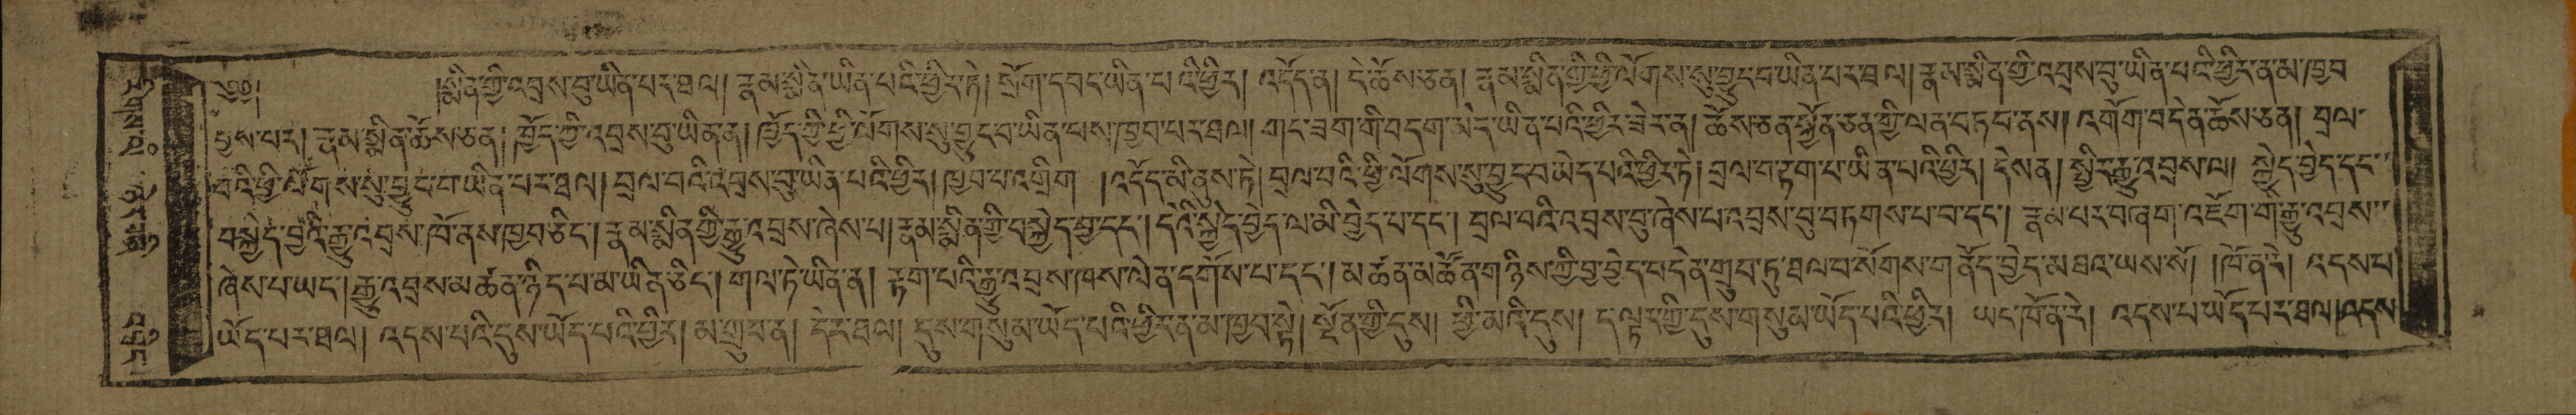༄༅། །སྨིན་གྱི་འབྲས་བུ་ཡིན་པར་ཐལ། རྣམ་སྨིན་ཡིན་པའི་ཕྱིར་ཏེ། སྲོག་དབང་ཡིན་པའི་ཕྱིར། འདོད་ན། དེ་ཆོས་ཅན། རྣམ་སྨིན་གྱི་ཕྱི་ལོགས་སུ་བྱུང་བ་ཡིན་པར་ཐལ། རྣམ་སྨིན་གྱི་འབྲས་བུ་ཡིན་པའི་ཕྱིར་ན་མ་ཁྱབ་
བྱས་པར། རྣམ་སྨིན་ཆོས་ཅན། ཁྱོད་ཀྱི་འབྲས་བུ་ཡིན་ན། ཁྱོད་ཀྱི་ཕྱི་ལོགས་སུ་བྱུང་བ་ཡིན་པས་ཁྱབ་པར་ཐལ། གང་ཟག་གི་བདག་མེད་ཡིན་པའི་ཕྱིར་ཟེར་ན། ཆོས་ཅན་སྐྱོན་ཅན་གྱི་ལན་བཏབ་ནས། འགོག་བདེན་ཆོས་ཅན། བྲལ་
པའི་ཕྱི་ལོགས་སུ་བྱུང་བ་ཡིན་པར་ཐལ། བྲལ་བའི་འབྲས་བུ་ཡིན་པའི་ཕྱིར། ཁྱབ་པ་འགྲིག །འདོད་མི་ནུས་ཏེ། བྲལ་བའི་ཕྱི་ལོགས་སུ་བྱུང་བ་མེད་པའི་ཕྱིར་ཏེ། བྲལ་བ་རྟག་པ་ཡིན་པའི་ཕྱིར། དེས་ན། སྤྱིར་རྒྱུ་འབྲས་ལ། སྐྱེད་བྱེད་དང་
བསྐྱེད་བྱའི་རྒྱུ་འབྲས་ཁོ་ནས་ཁྱབ་ཅིང་། རྣམ་སྨིན་གྱི་རྒྱུ་འབྲས་ཞེས་ན། རྣམ་སྨིན་གྱི་བསྐྱེད་བྱ་དང་། དེའི་སྐྱེད་བྱེད་ལ་མི་བྱེད་པ་དང་། བྲལ་བའི་འབྲས་བུ་ཞེས་པ་འབྲས་བུ་བཏགས་པ་བ་དང་། རྣམ་པར་བཞག་འཇོག་གི་རྒྱུ་འབྲས་
ཞེས་པ་ཡང་། རྒྱུ་འབྲས་མཚན་ཉིད་བ་མ་ཡིན་ཅིང་། གལ་ཏེ་ཡིན་ན། རྟག་པའི་རྒྱུ་འབྲས་ཁས་ལེན་དགོས་པ་དང་། མཚན་མཚོན་གཉིས་ཀྱི་བྱ་བྱེད་བདེན་གྲུབ་ཏུ་ཐལ་བ་སོགས་གནོད་བྱེད་མཐའ་ཡས་སོ། །ཁོ་ན་རེ། འདས་པ་
ཡོད་པར་ཐལ། འདས་པའི་དུས་ཡོད་པའི་ཕྱིར། མ་གྲུབ་ན། དེར་ཐལ། དུས་གསུམ་ཡོད་པའི་ཕྱིར་ན་མ་ཁྱབ་སྟེ། སྔོན་གྱི་དུས། ཕྱི་མའི་དུས། ད་ལྟར་གྱི་དུས་གསུམ་ཡོད་པའི་ཕྱིར། ཡང་ཁོ་ན་རེ། འདས་པ་ཡོད་པར་ཐལ། འདས་